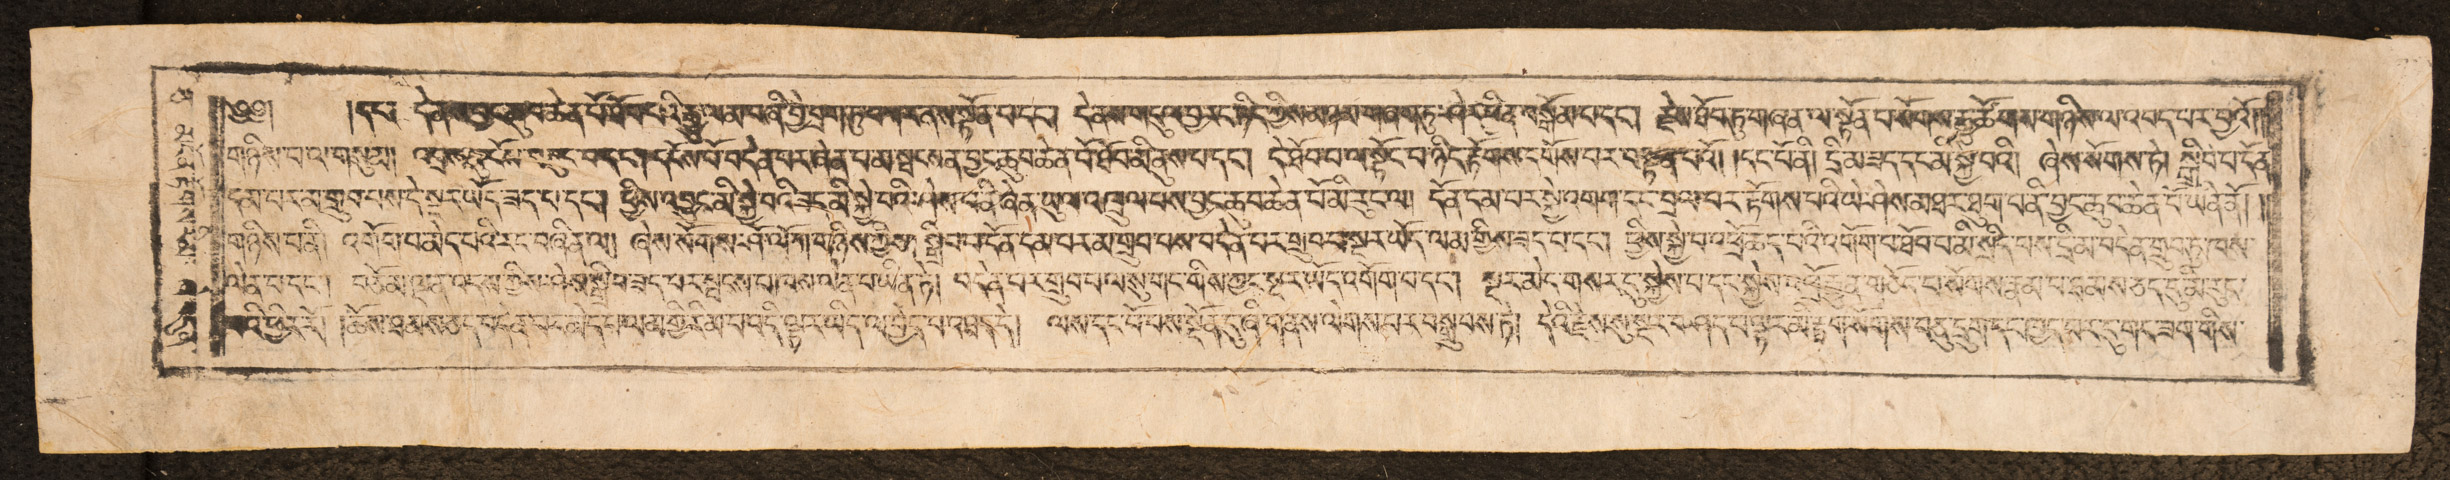༄༅། །དང་། དེ་ནས་བྱང་ཆུབ་ཆེན་པོ་ཐོབ་པའི་རྒྱུ་ལམ་བཞི་བྱེ་བྲག་ཏུ་བཀར་ནས་སྟོན་པ་དང་། དེ་ནས་གདུལ་བྱ་རང་ཉིད་ཀྱིས་མཉམ་གཞག་ཏུ་ཤེར་ཕྱིན་བསྒོམ་པ་དང་། རྗེས་ཐོབ་ཏུ་གཞན་ལ་སྟོན་པ་སོགས་རྒྱུ་ཚོགས་གཉིས་ལ་འབད་པར་བྱའོ།།
གཉིས་པ་ལ་གསུམ། འབྲས་བུ་ངོས་བཟུང་བ་དང་། དངོས་པོ་བདེན་པར་ཞེན་པ་མ་སྤངས་ན་བྱང་ཆུབ་ཆེན་པོ་ཐོབ་མི་ནུས་པ་དང་། དེ་ཐོབ་པ་ལ་སྟོང་པ་ཉིད་རྟོགས་དགོས་པར་བསྟན་པའོ། །དང་པོ་ནི། དྲི་མ་ཟད་དང་མི་སྐྱེ་བའི། ཞེས་སོགས་ཏེ། སྒྲིབ་པ་དོན་
དམ་པར་མ་གྲུབ་པས་དེ་སྔར་ཡོད་ཟད་པ་དང་། ཕྱིས་འབྱུང་མི་སྐྱེ་བའི་ཟད་མི་སྐྱེ་བའི་ཤེས་པ་ནི་ཞེན་ཡུལ་འཁྲུལ་པས་བྱང་ཆུབ་ཆེན་པོ་མི་རུང་ལ། དོན་དམ་པར་སྐྱེ་འགག་དང་བྲལ་བར་རྟོགས་པའི་ཡེ་ཤེས་མཐར་ཐུག་པ་ནི་བྱང་ཆུབ་ཆེན་པོ་ཡིན་ནོ། །
གཉིས་པ་ནི། འགོག་པ་མེད་པའི་རང་བཞིན་ལ། ཞེས་སོགས་ཤོ་ལོ་ཀ་གཉིས་ཀྱིས། སྒྲིབ་པ་དོན་དམ་པར་མ་གྲུབ་པས་བདེན་པར་གྲུབ་པ་སྔར་ཡོད་ལམ་གྱིས་ཟད་པ་དང་། ཕྱིས་སྐྱེ་བ་འཕྲོ་ཆད་པའི་འགོག་པ་ཐོབ་པ་མི་སྲིད་པས་དྲི་མ་བདེན་གྲུབ་ཏུ་ཁས་
ལེན་པ་དང་། བཅོམ་ལྡན་འདས་ཀྱིས་ཤེས་སྒྲིབ་ཟད་པར་སྤངས་པ་ཁས་ལེན་པ་ཡིན་ཏེ། བདེན་པར་གྲུབ་པ་ལ་སུ་གང་གིས་ཀྱང་སྔར་ཡོད་འགོག་པ་དང་། སྔར་མེད་གསར་དུ་སྐྱེས་པ་དང་སྐྱེས་འཕྲོ་རྒྱུན་གཅོད་པ་སོགས་རྣམ་པ་ཐམས་ཅད་དུ་མི་རུང་
བའི་ཕྱིར་རོ། །ཆོས་ཐམས་ཅད་བདེན་པར་མེད་པ་ལམ་གྱི་རིམ་པ་འདི་ལྟར་ཡིད་ལ་བྱེད་པ་འཐད་དེ། ལས་དང་པོ་པས་སྔོན་དུ་ཞི་གནས་ལེགས་པར་བསྒྲུབས་ཏེ། དེའི་རྗེས་སུ་སྔར་བཤད་པ་ལྟར་མི་རྟག་སོགས་བཅུ་དྲུག་དང་ཁྱད་པར་དུ་གང་ཟག་གིས་